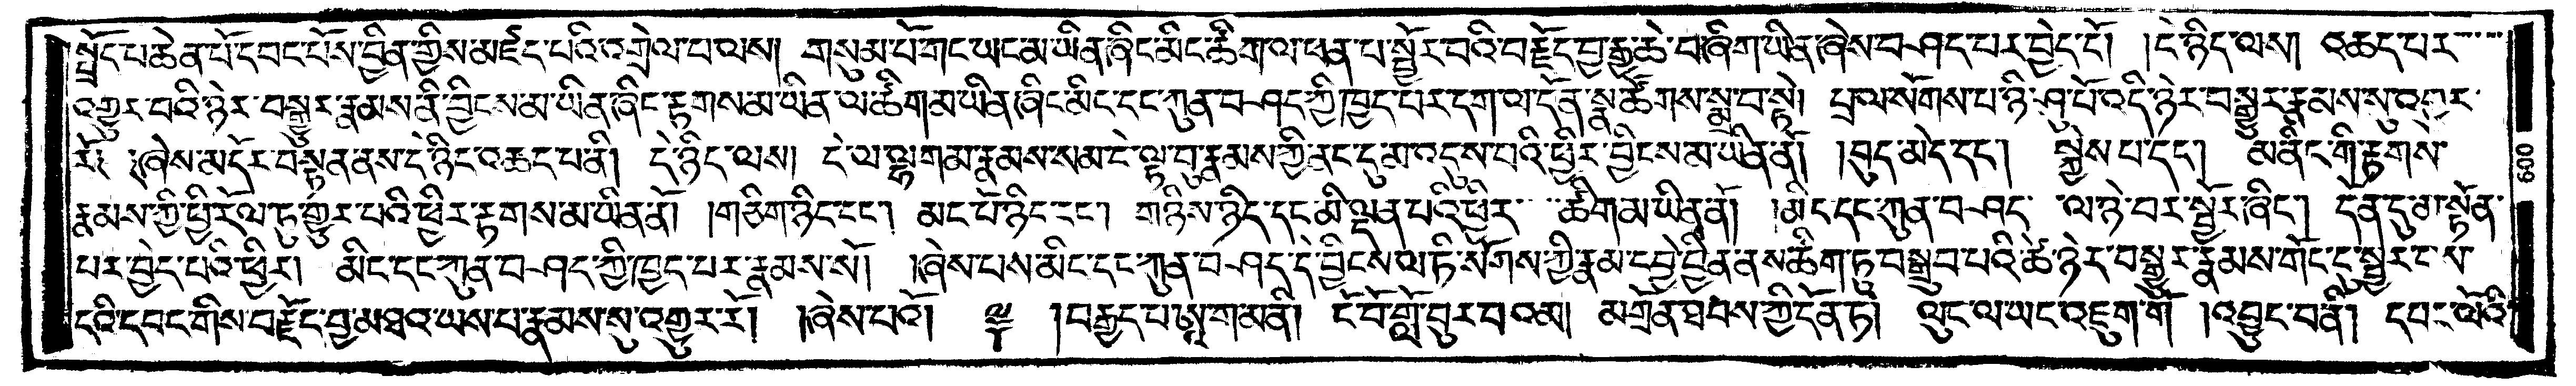སྤྲོད་པ་ཆེན་པོ་དབང་པོས་བྱིན་གྱིས་མཛད་པའི་འགྲེལ་པ་ལས། གསུམ་པོ་གང་མ་ཡིན་ཞིང་མིང་ཚིག་ལ་ཕན་པ་སྦྱོར་བའི་བརྗོད་བྱ་རྒྱ་ཆེ་བཞིག་ཡིན་ཞེས་བཤད་བར་བྱེད་དོ། །དེ་ཉིད་ལས། འཆད་པར་
འགྱུར་བའི་ཉེར་བསྒྱུར་རྣམས་ནི་བྱིངས་མ་ཡིན་ཞིང་རྟགས་མ་ཡིན་ལ་ཚིག་མ་ཡིན་ཞིང་མིང་དང་ཀུན་བཤད་ཀྱི་ཁྱད་པར་དག་ལ་དོན་སྣ་ཚོགས་སྨྲ་བ་སྟེ། པྲ་ལ་སོགས་པ་ཉི་ཤུ་པོ་འདི་ཉེར་བསྒྱུར་རྣམས་སུ་འགྱུར་
རོ། །ཞེས་མདོར་བསྟན་ནས་དེ་ཉིང་འཆད་པ་ནི། དེ་ཉིད་ལས། དེ་ལ་ལྷག་མ་རྣམས་སམ་ངེ་ལྟ་བུ་རྣམས་ཀྱི་ནང་དུ་མ་འདུས་པའི་ཕྱིར་བྱིངས་མ་ཡིན་ནོ། །བུད་མེད་དང་། སྐྱེས་པ་དང་། མ་ནིང་གི་རྟགས་
རྣམས་ཀྱི་ཕྱི་རོལ་ཏུ་གྱུར་པའི་ཕྱིར་རྟགས་མ་ཡིན་ནོ། །གཅིག་ཉིད་དང་། མང་པོ་ཉིད་དང་། གཉིས་ཉིད་དང་མི་ལྡན་པའི་ཕྱིར་ཚིག་མ་ཡིན་ནོ། །མིང་དང་ཀུན་བཤད་ལ་ཉེ་བར་སྦྱོར་ཞིང་། དོན་དུ་མ་སྟོན་
པར་བྱེད་པའི་ཕྱིར། མིང་དང་ཀུན་བཤད་ཀྱི་ཁྱད་པར་རྣམས་སོ། །ཞེས་པས་མིང་དང་ཀུན་བཤད་དེ་བྱིངས་ལ་ཏི་སོགས་ཀྱི་རྣམ་དབྱེ་བྱིན་ནས་ཚིག་ཏུ་བསྒྲུབ་པའི་ཚེ་ཉེར་བསྒྱུར་རྣམས་གོང་དུ་སྦྱར་བས་
དའི་དབང་གིས་བརྗོད་བྱ་མཐའ་ཡས་པ་རྣམས་སུ་འགྱུར་རོ། །ཞེས་པའོ། ༈ །བརྒྱད་པ་ཨཱ་ག་མ་ནི། ངོ་བོ་གློ་བུར་བཱམ། མགྲོན་ཐབས་ཀྱི་དོན་ཏེ། ལུང་ལ་ཡང་འཇུག་གོ། །འབྱུང་བ་ནི། དབང་ལོའི་